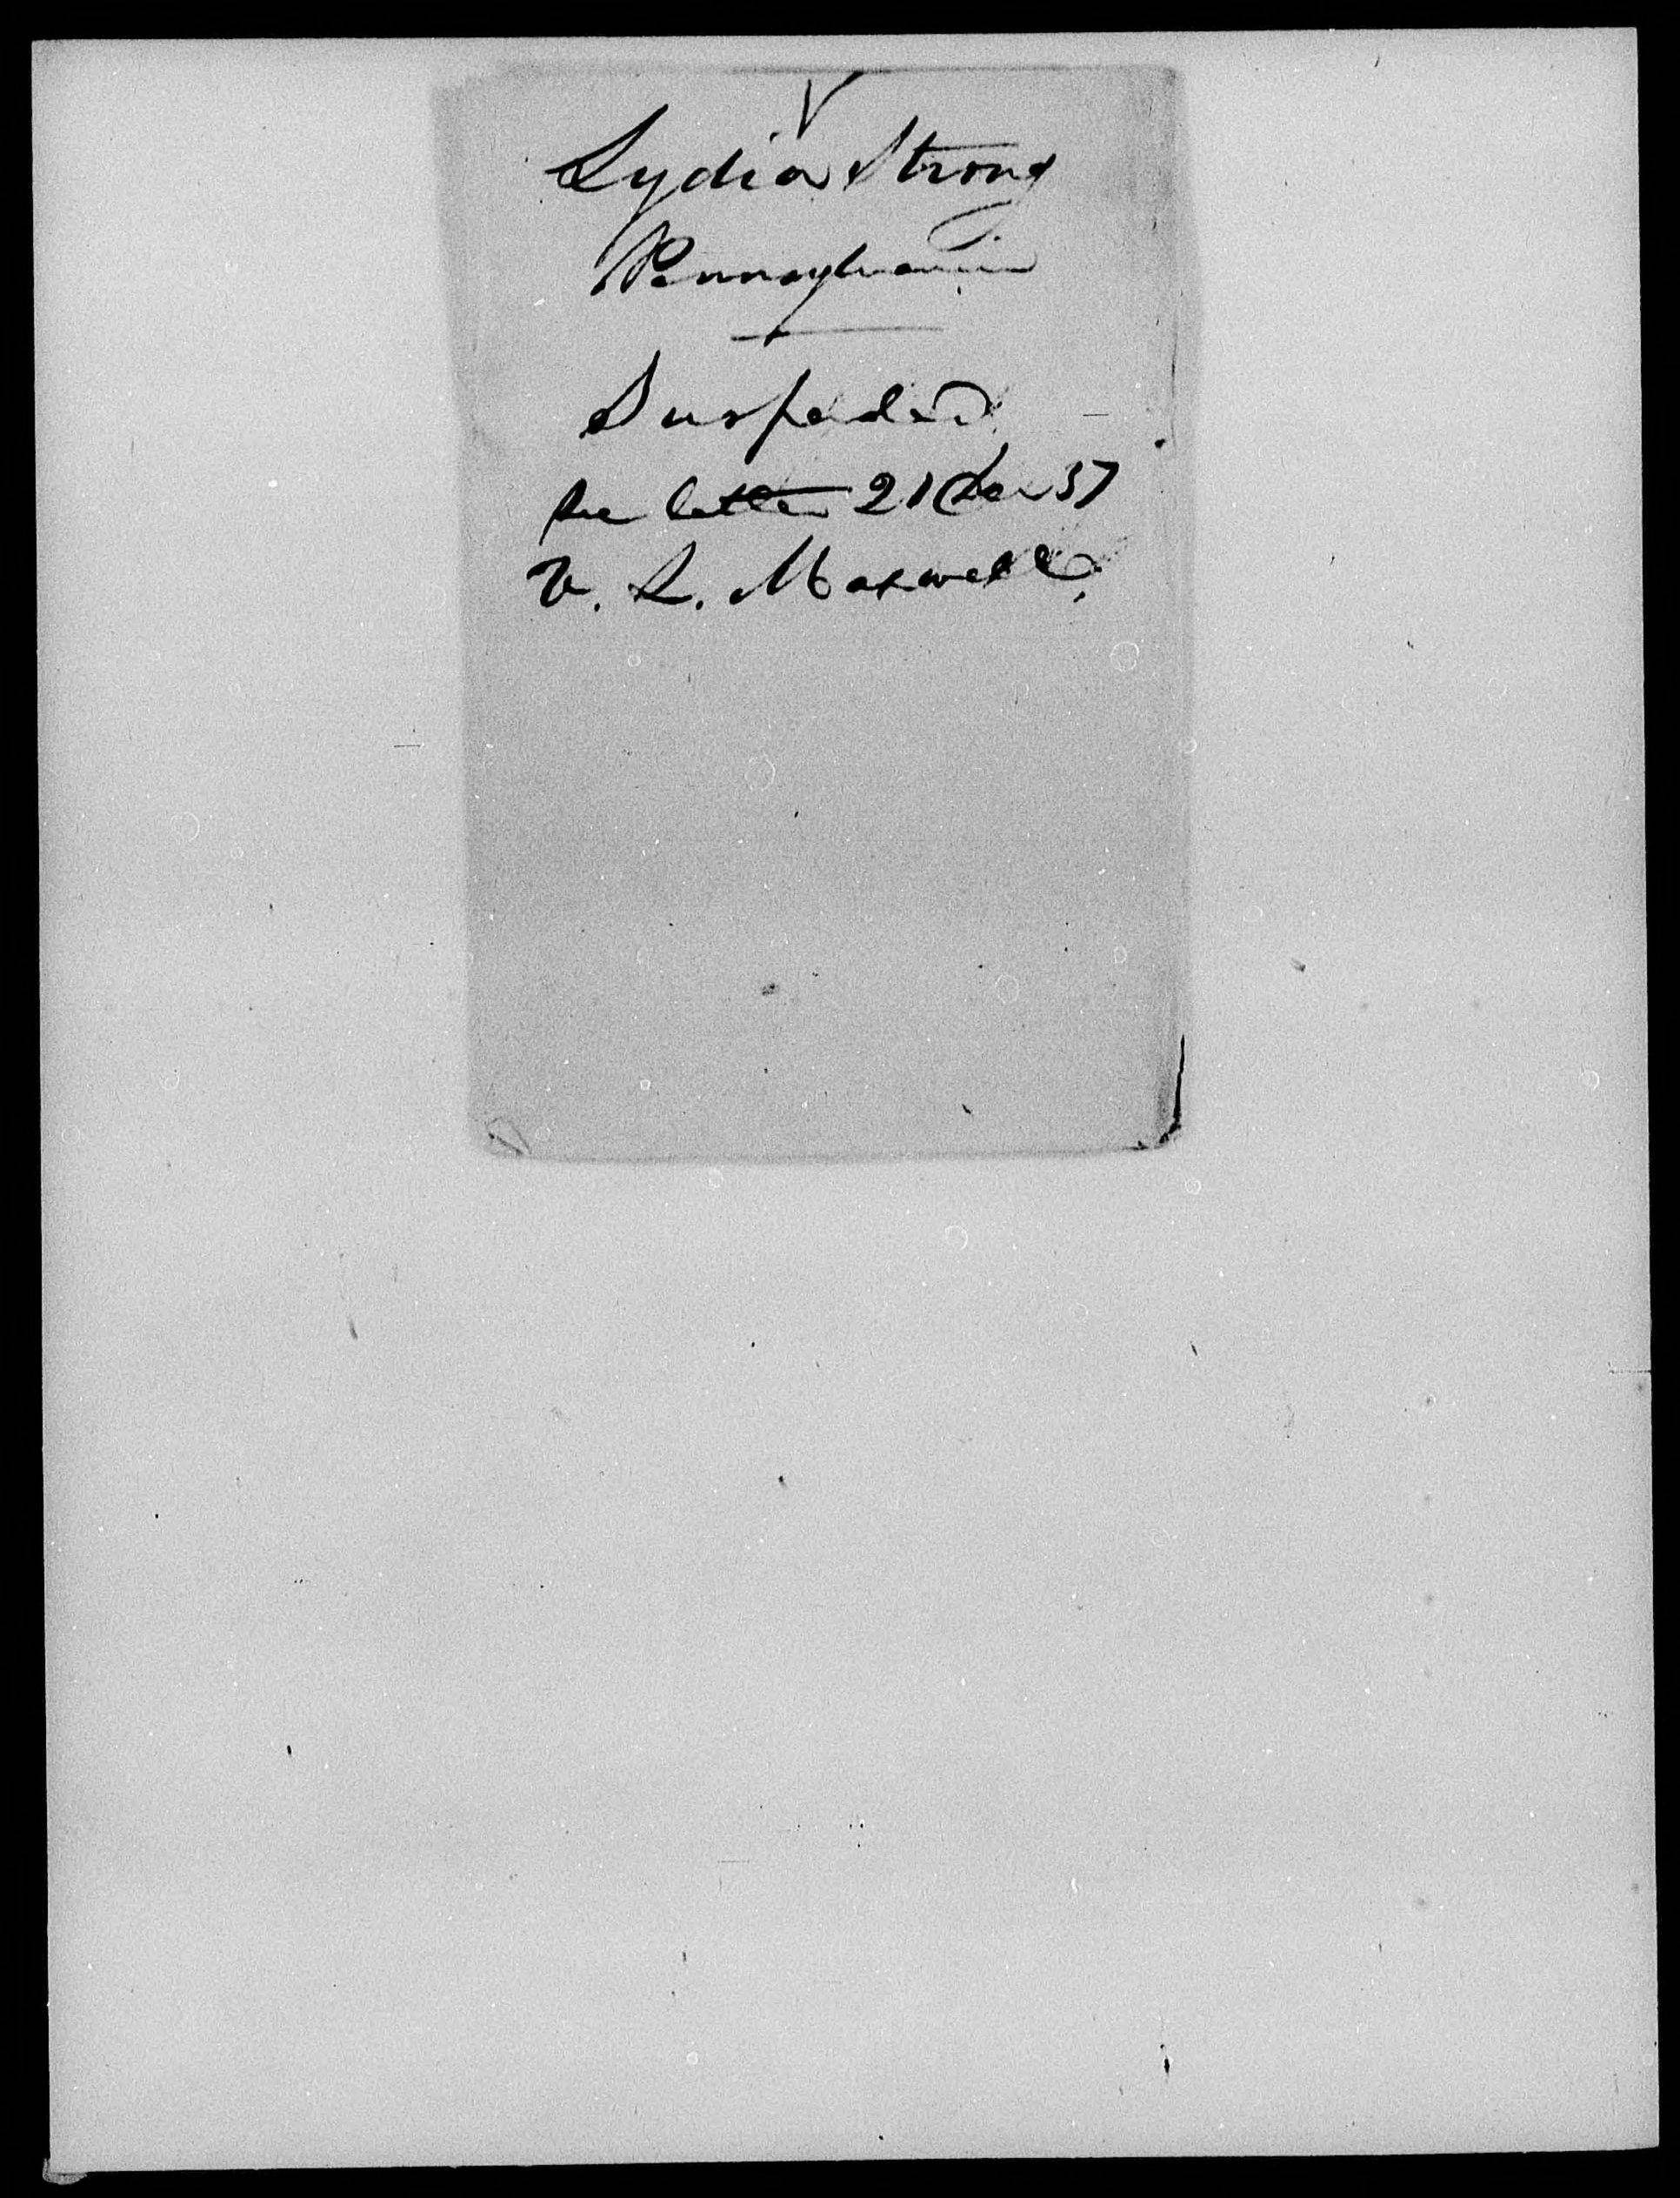Lydia Strong
Pennsylvania
-
Suspended
See letter 21 Jan 37
V. L. Maxwell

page: 21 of 33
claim: widow's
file: W. 4592, for John Strong, New York